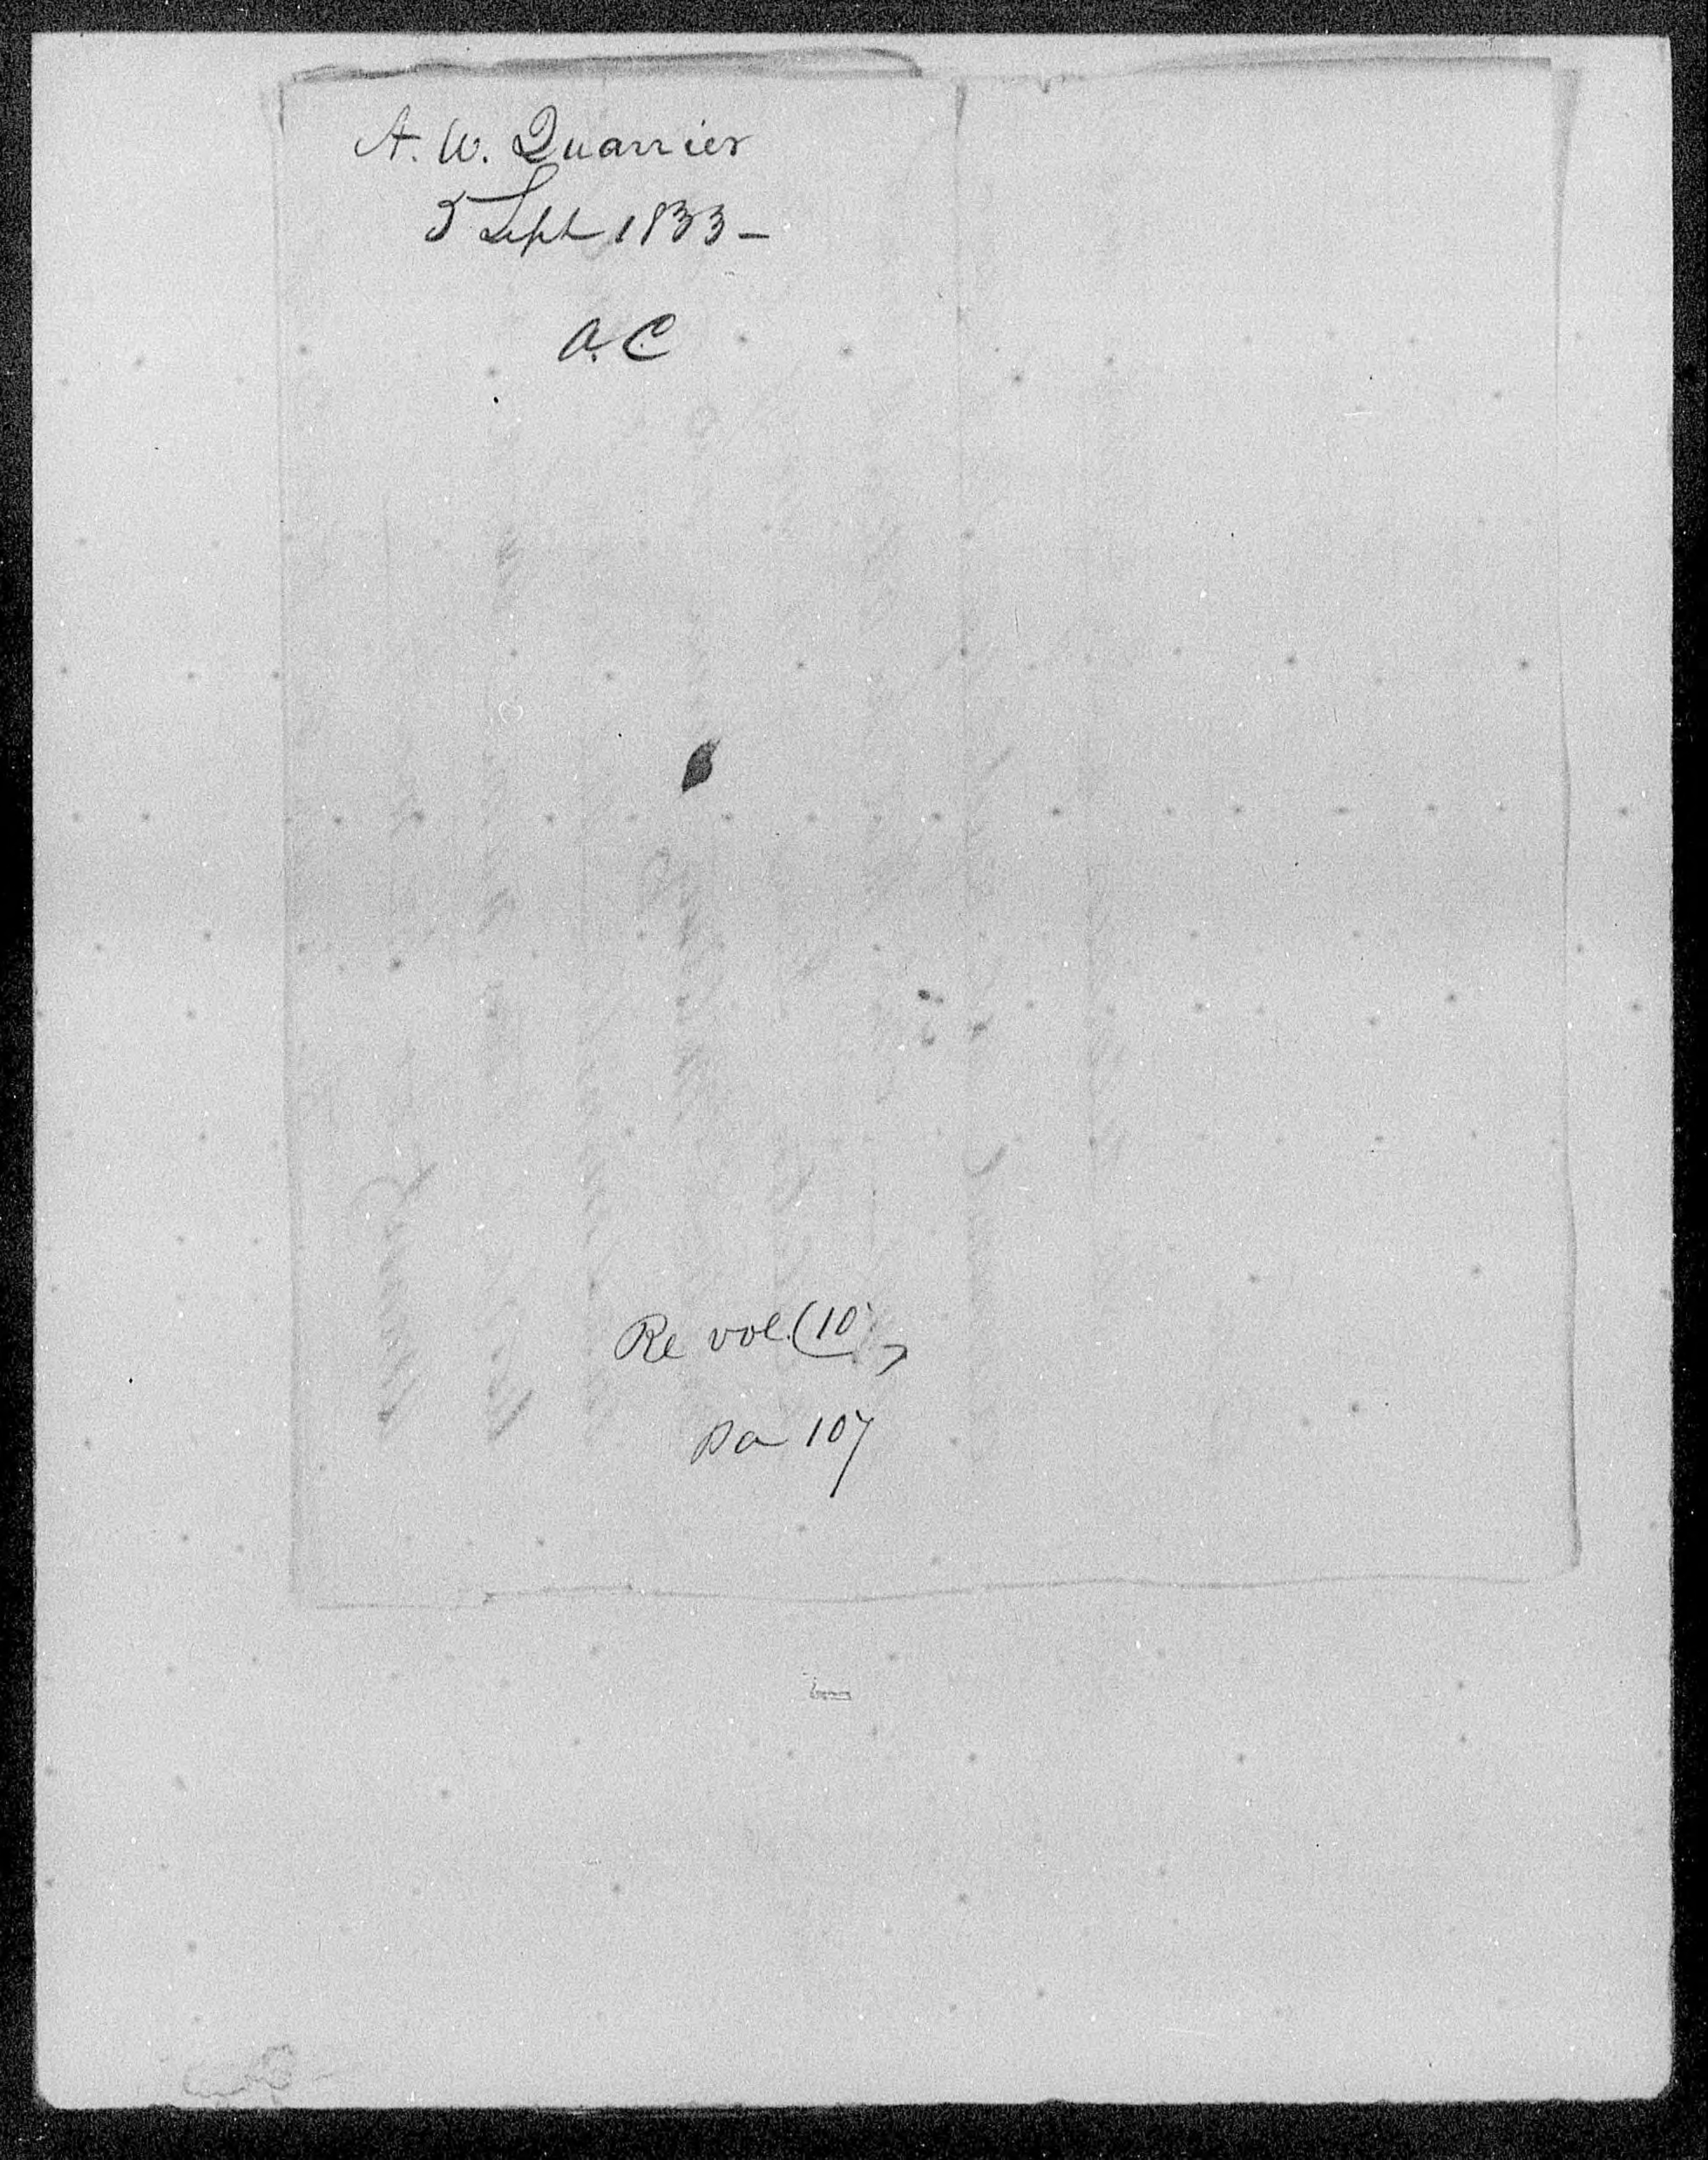A.W. Duavier 

2 Sept 1833 

AC 

Revol. 10 [last number smudged] 
DA 107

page: 13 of 17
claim: rejected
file: R. 5674, for Benjamin Johnson, Virginia